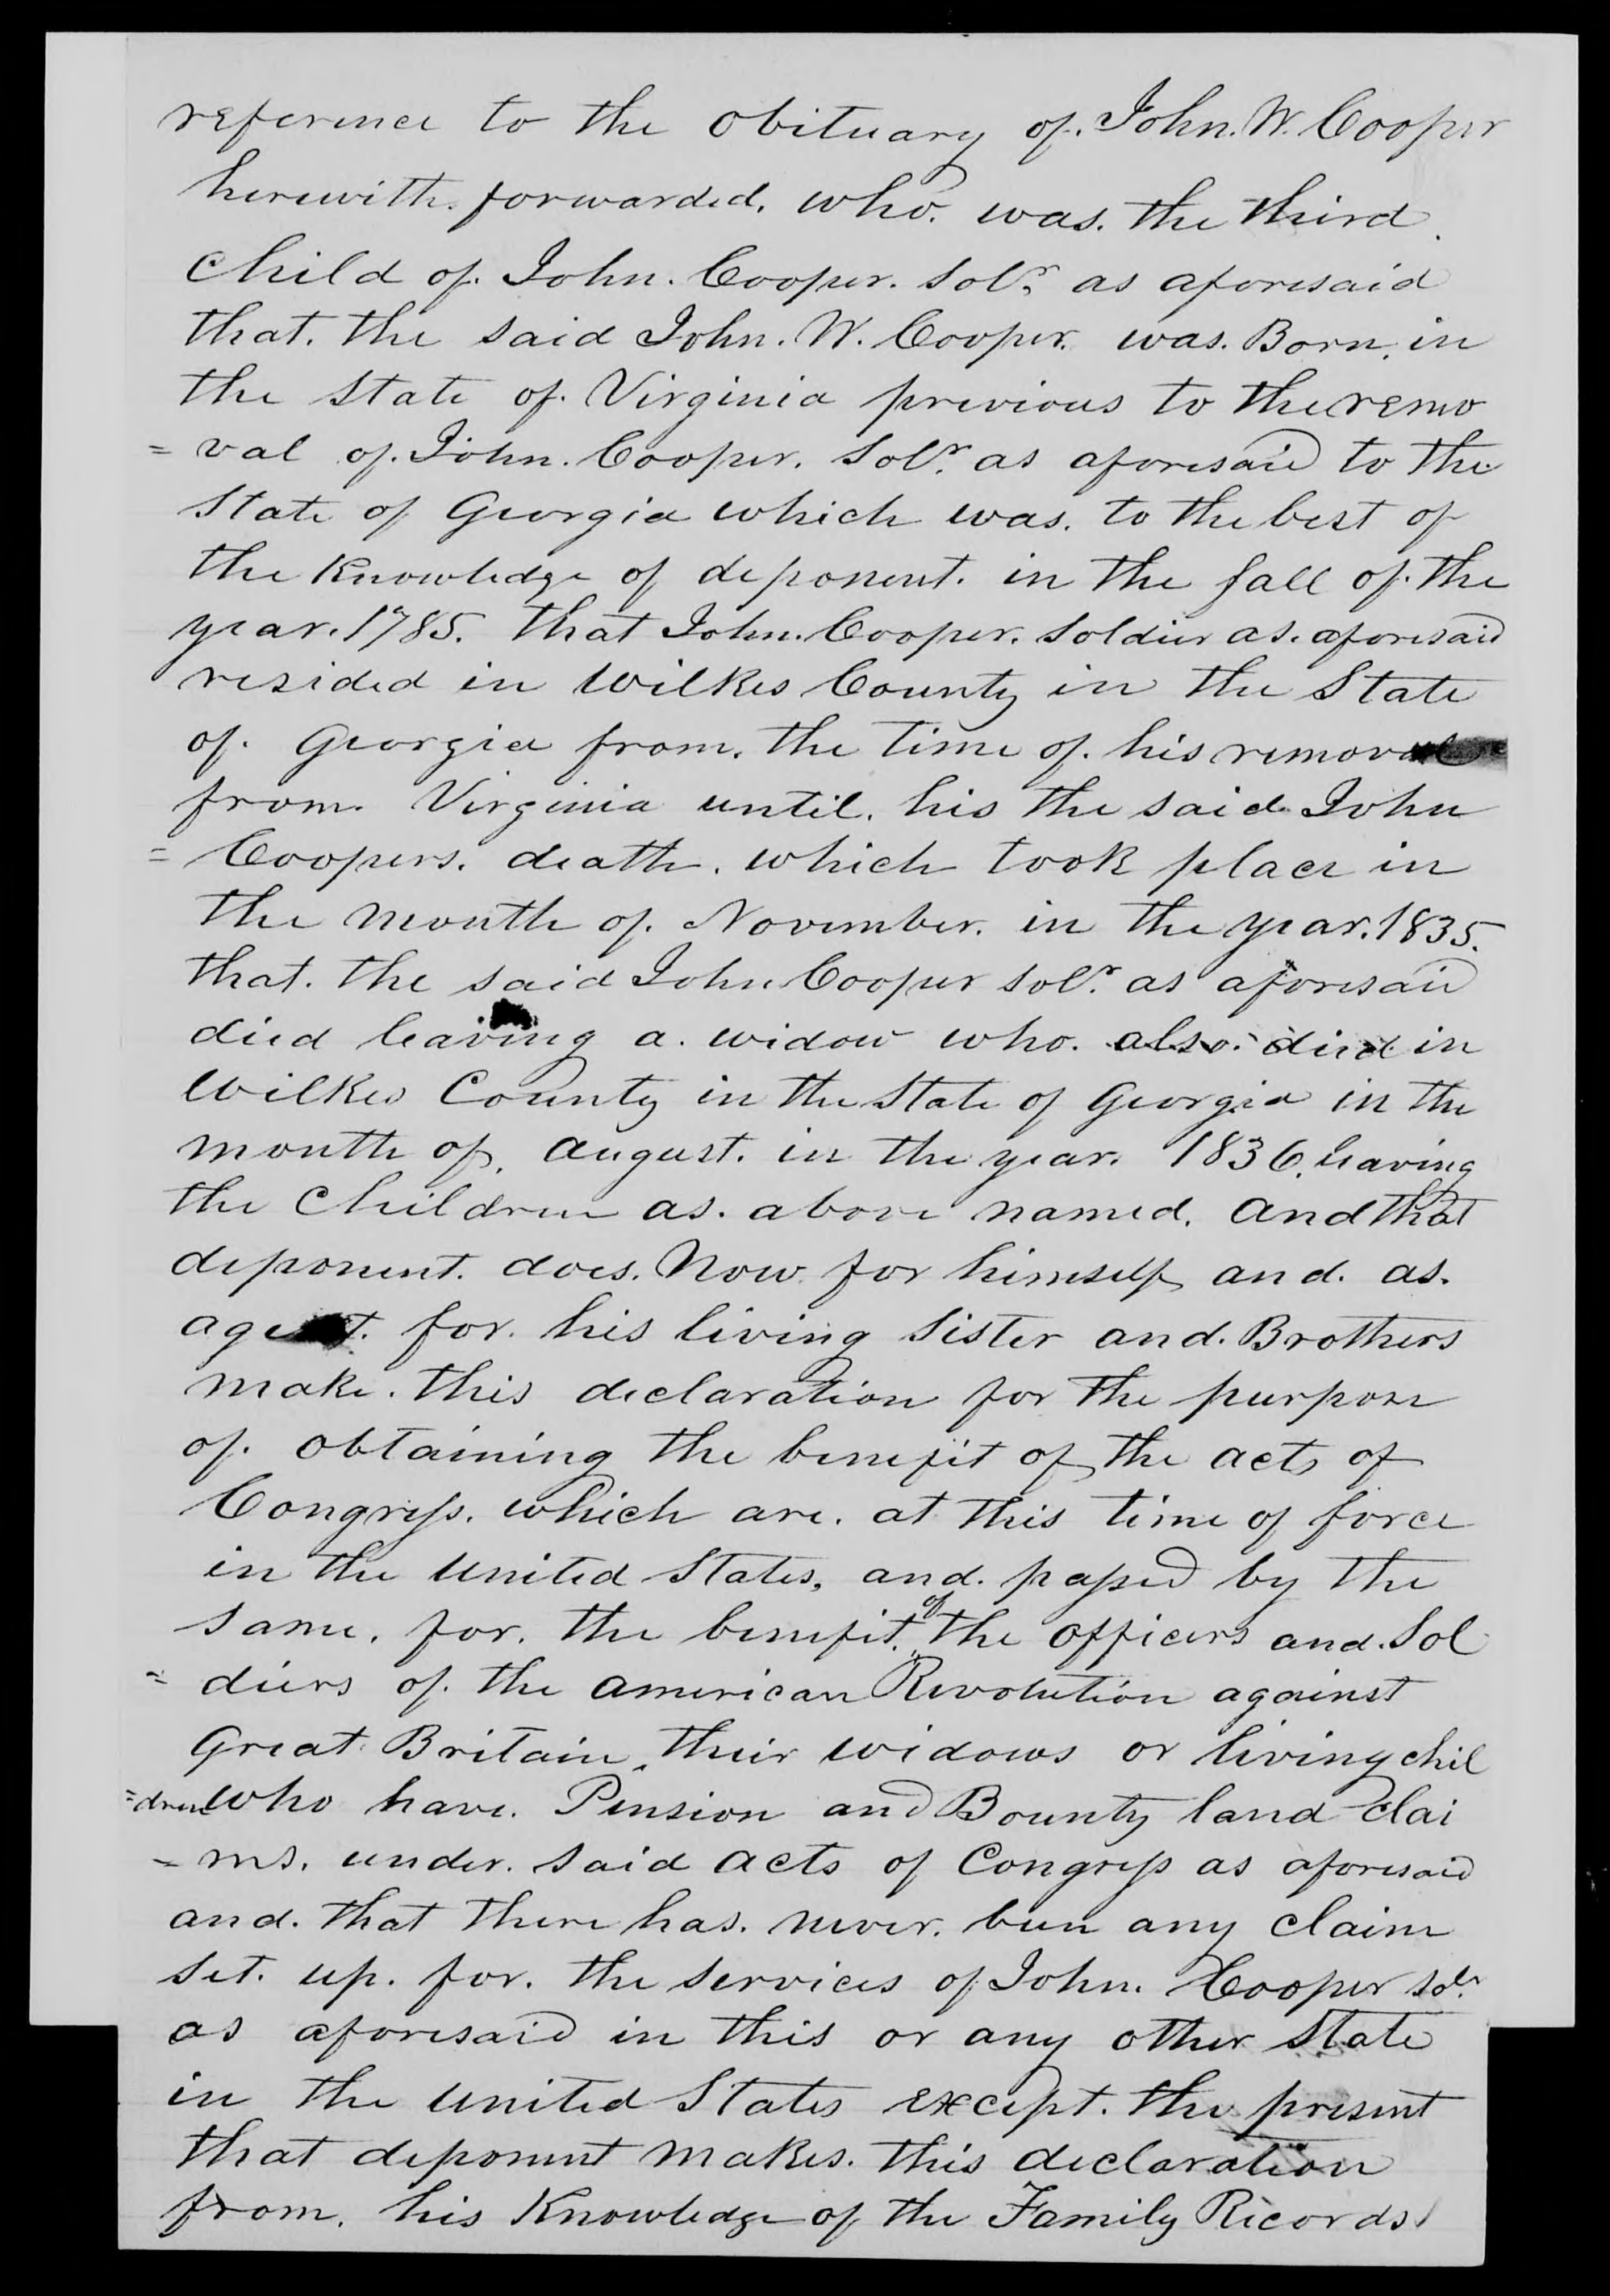reference to the obituary of John W. Cooper
herewith forwarded, who was the third
child of John Cooper, Sold as aforesaid
that the said John W. Cooper was Born in
the State of Virginia previous to the removal
of John Cooper, sold as aforesaid to the
State of Georgia which was to the best of
the knowledge of deponent, in the fall of the
year 1785. that John Cooper, Soldier as aforesaid
resided in Wilkes County in the State of
Georgia from the time of his removal
from Virginia until his the said John 
Coopers death, which took place in
the month of November in the year 1835.
That the said John Cooper sold as aforesaid
died leaving a widow who also died in
Wilkes County in the State of Georgia in the
month of August, in the year 1836 having
the children as above named, and that
deponent does. Now for himself and as
agent for his living sister and Brothers
make this declaration for the purpose
of obtaining the benefit of the acts of
Congress, which are at this time of force
in the United States, and passed by the same
for the benefit the officers and Soldiers 
of the American Revolution against Great Britain, their widows or living children who have. Pension and Bounty land claims
under said acts of Congress as aforesaid
and that there has never been any claim
set up for the services of John Cooper sol
as aforesaid in this or any other State
in the United States except the present
that deponent makes this declaration
from his knowledge of the Family Records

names: John Cooper, John Cooper, John Cooper, John Cooper, John Cooper, John Cooper, John W Cooper, John W Cooper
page: 3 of 17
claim: rejected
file: R. 2,300, John Cooper, Va.